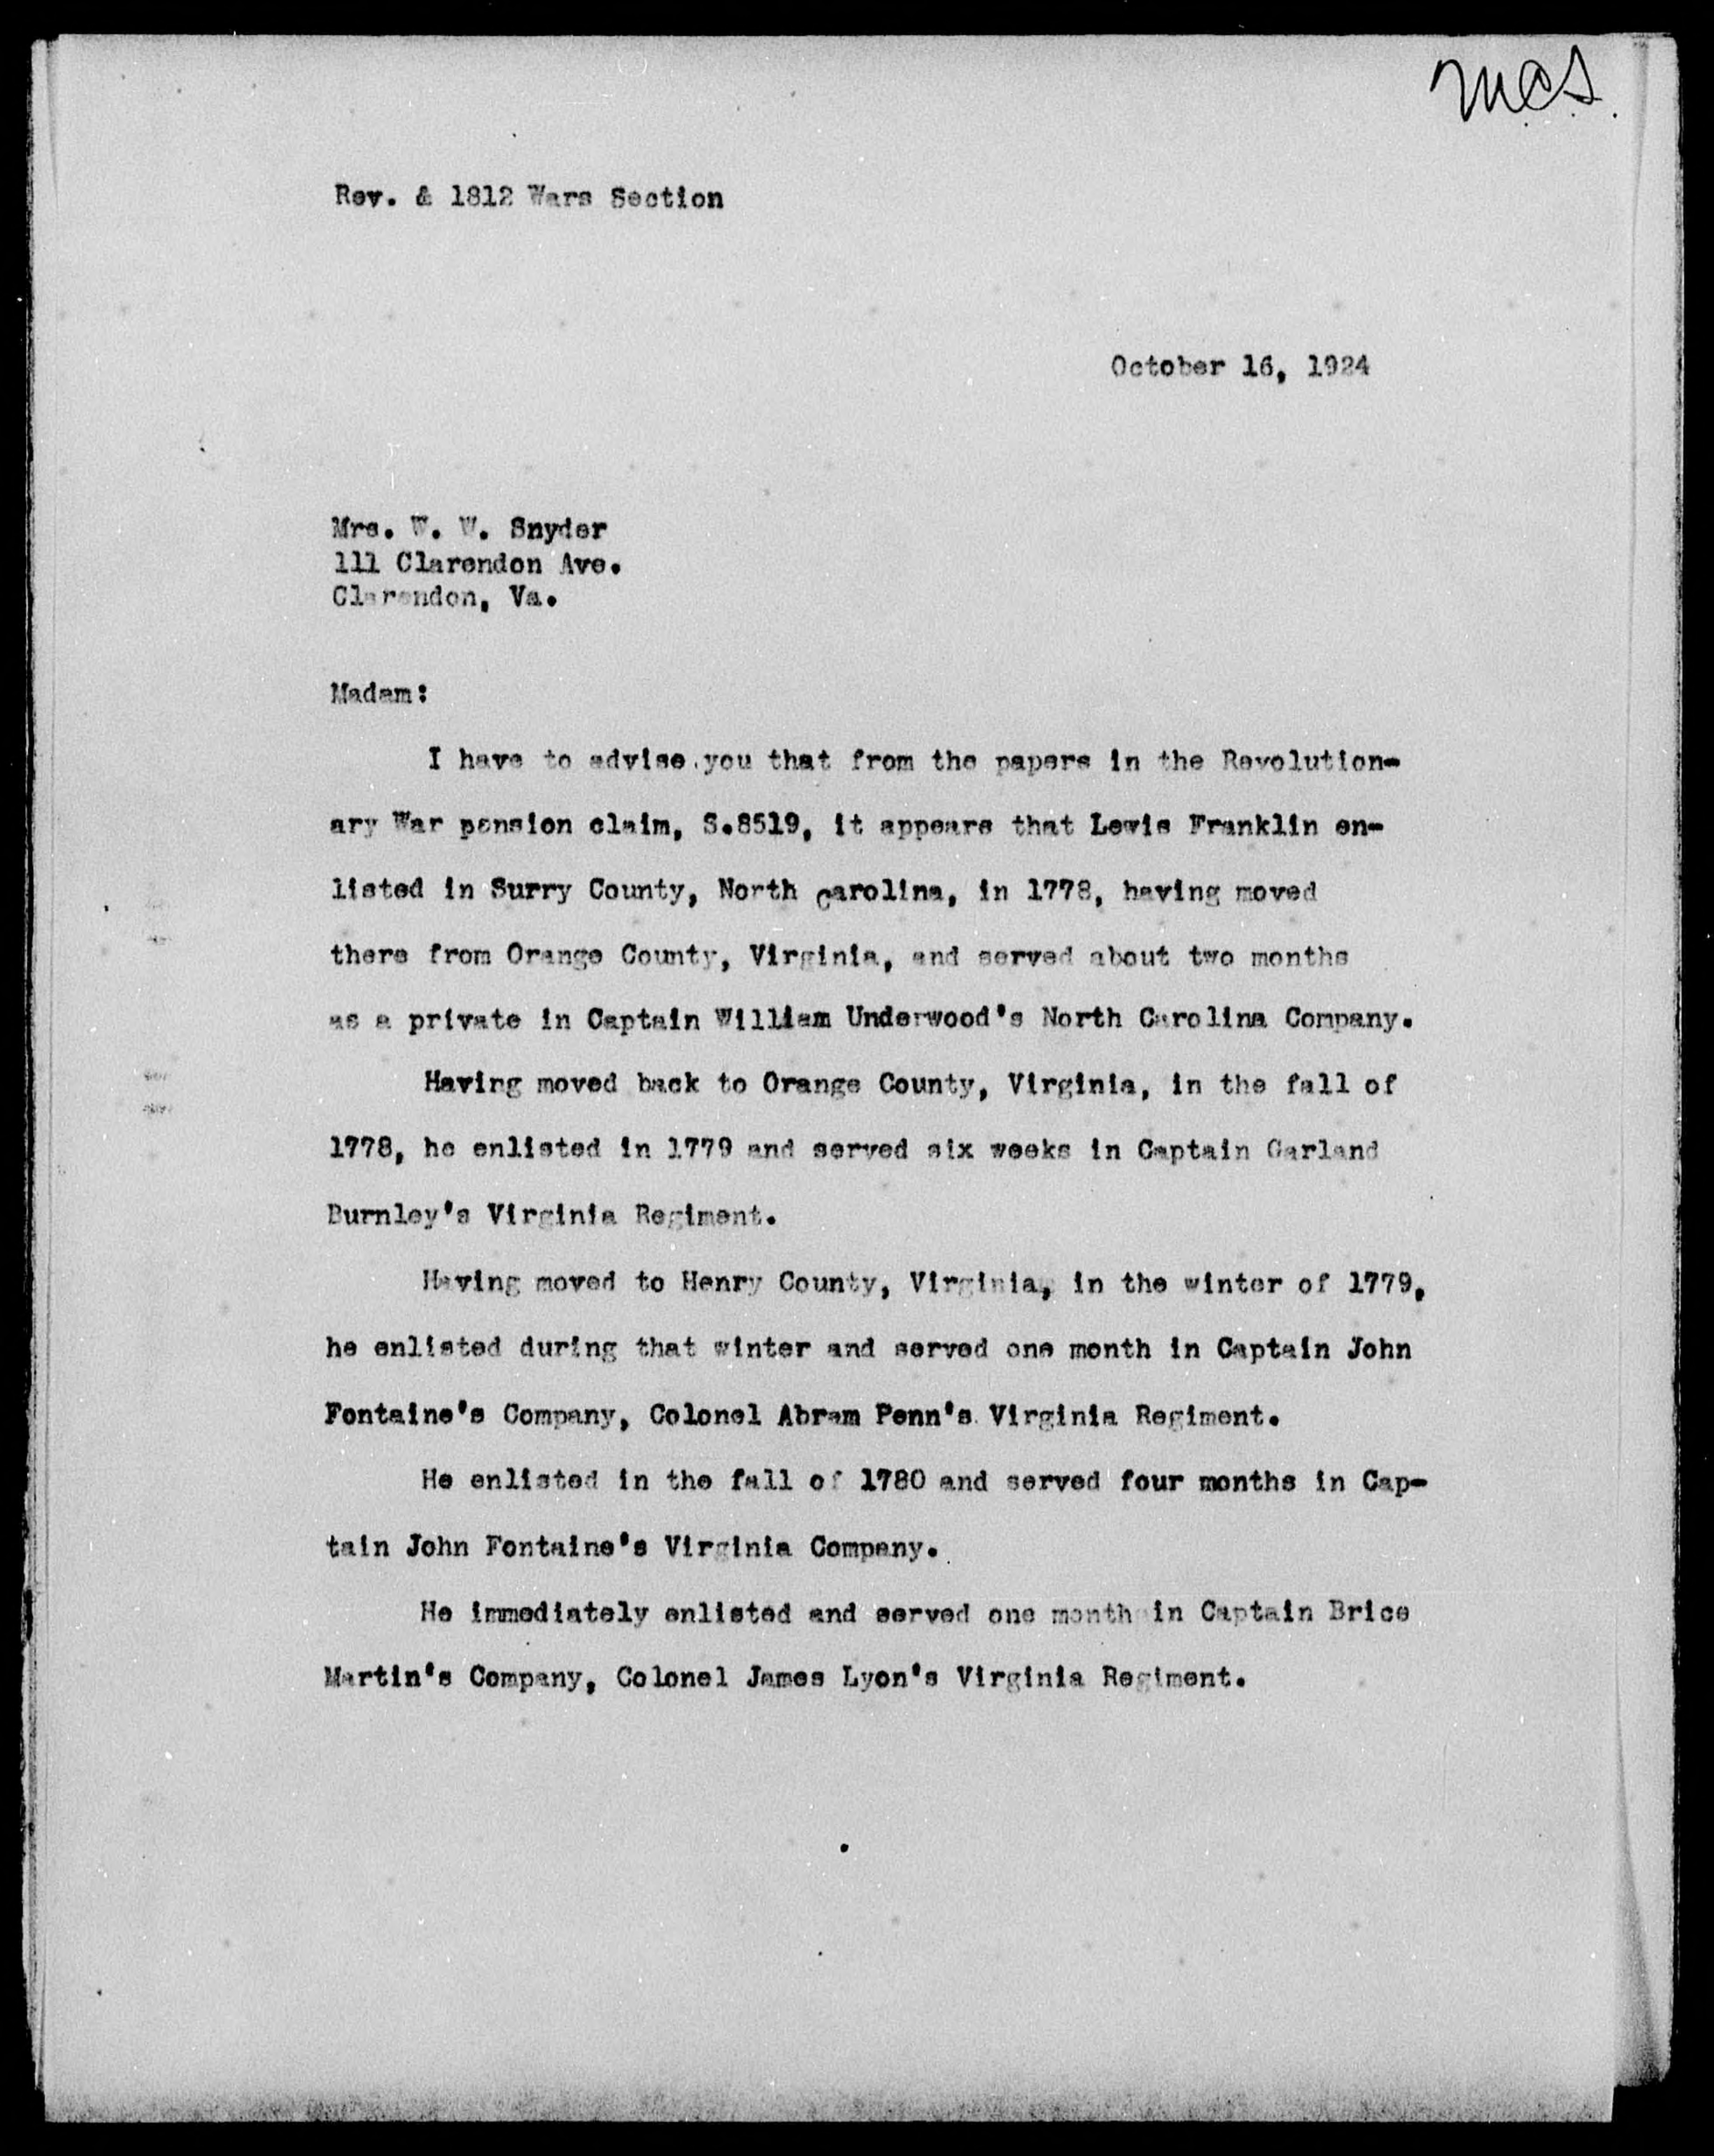[handwritten] MCS

Rev. & 1812 Wars Section

October 16, 1924

Mrs. W. W. Snyder
111 Clarendon Ave. 
Clarendon, Va. 

Madam:
I have to advise you that from the papers in the Revolutionary War pension claim, S.8519, it appears that Lewis Franklin enlisted in Surry County, North Carolina, in 1778, having moved there from Orange County, Virginia, and served about two months as a private in Captain William Underwood's North Carolina Company. 
Having moved to Henry County, Virginia, in the winter of 1779, he enlisted during that winter and served one month in Captain John Fontaine's Company, Colonel Abram Penn's Virginia Regiment. 
He enlisted in the fall of 1780 and served four months in Captain John Fontaine's Virginia Company. 
He immediately enlisted and served one month in Captain Brice Martin's Company, Colonel James Lyon's Virginia Regiment.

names: W W Snyder, Lewis Franklin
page: 17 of 20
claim: survivor's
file: S. 8519, Lewis Franklin, N.C. Va.